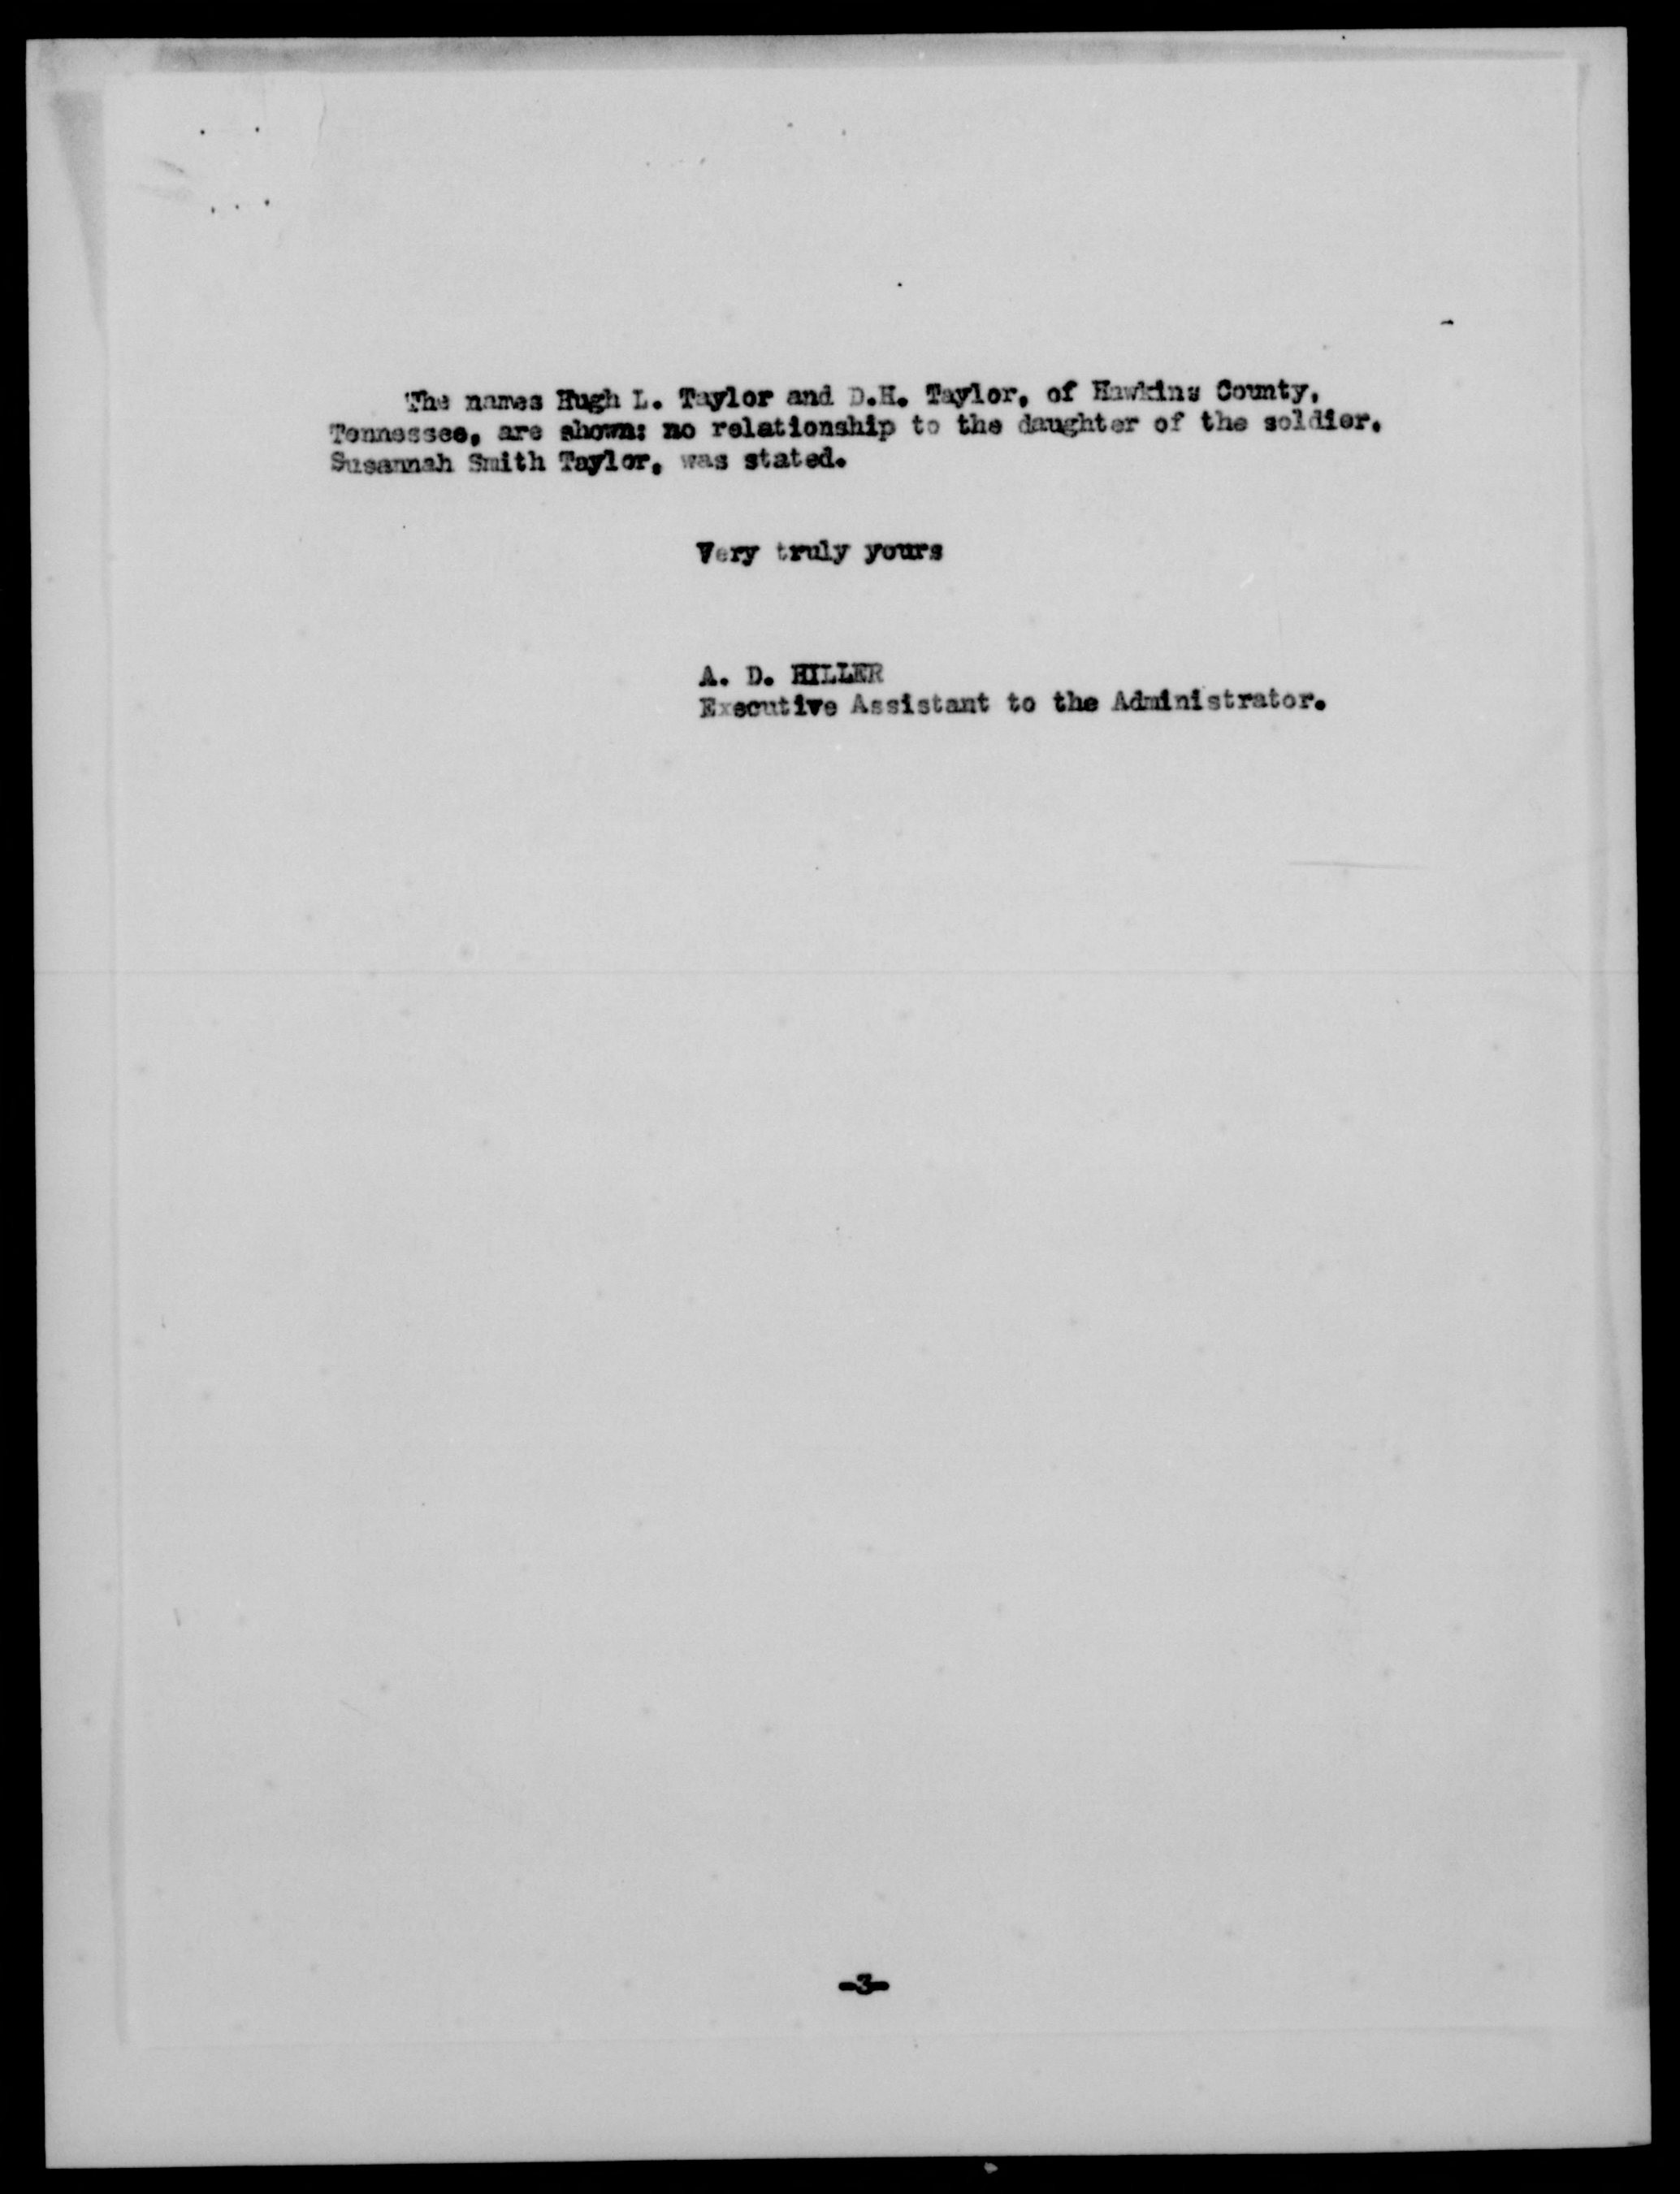The names Hugh L. Tayler and D. H. Taylor, of Hawkins, County,
Tennessee, are shown: no relationship to the daughter of the soldier.
Susannah Smith Taylor, was stated.

Very truly yours

A. D. HILLER
Executive Assistant to the Administrator.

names: A D Hiller; Hugh L Taylor; Susannah Smith Taylor; D H Taylor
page: 35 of 79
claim: widow's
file: W. 1504, for Robert Smith, North Carolina